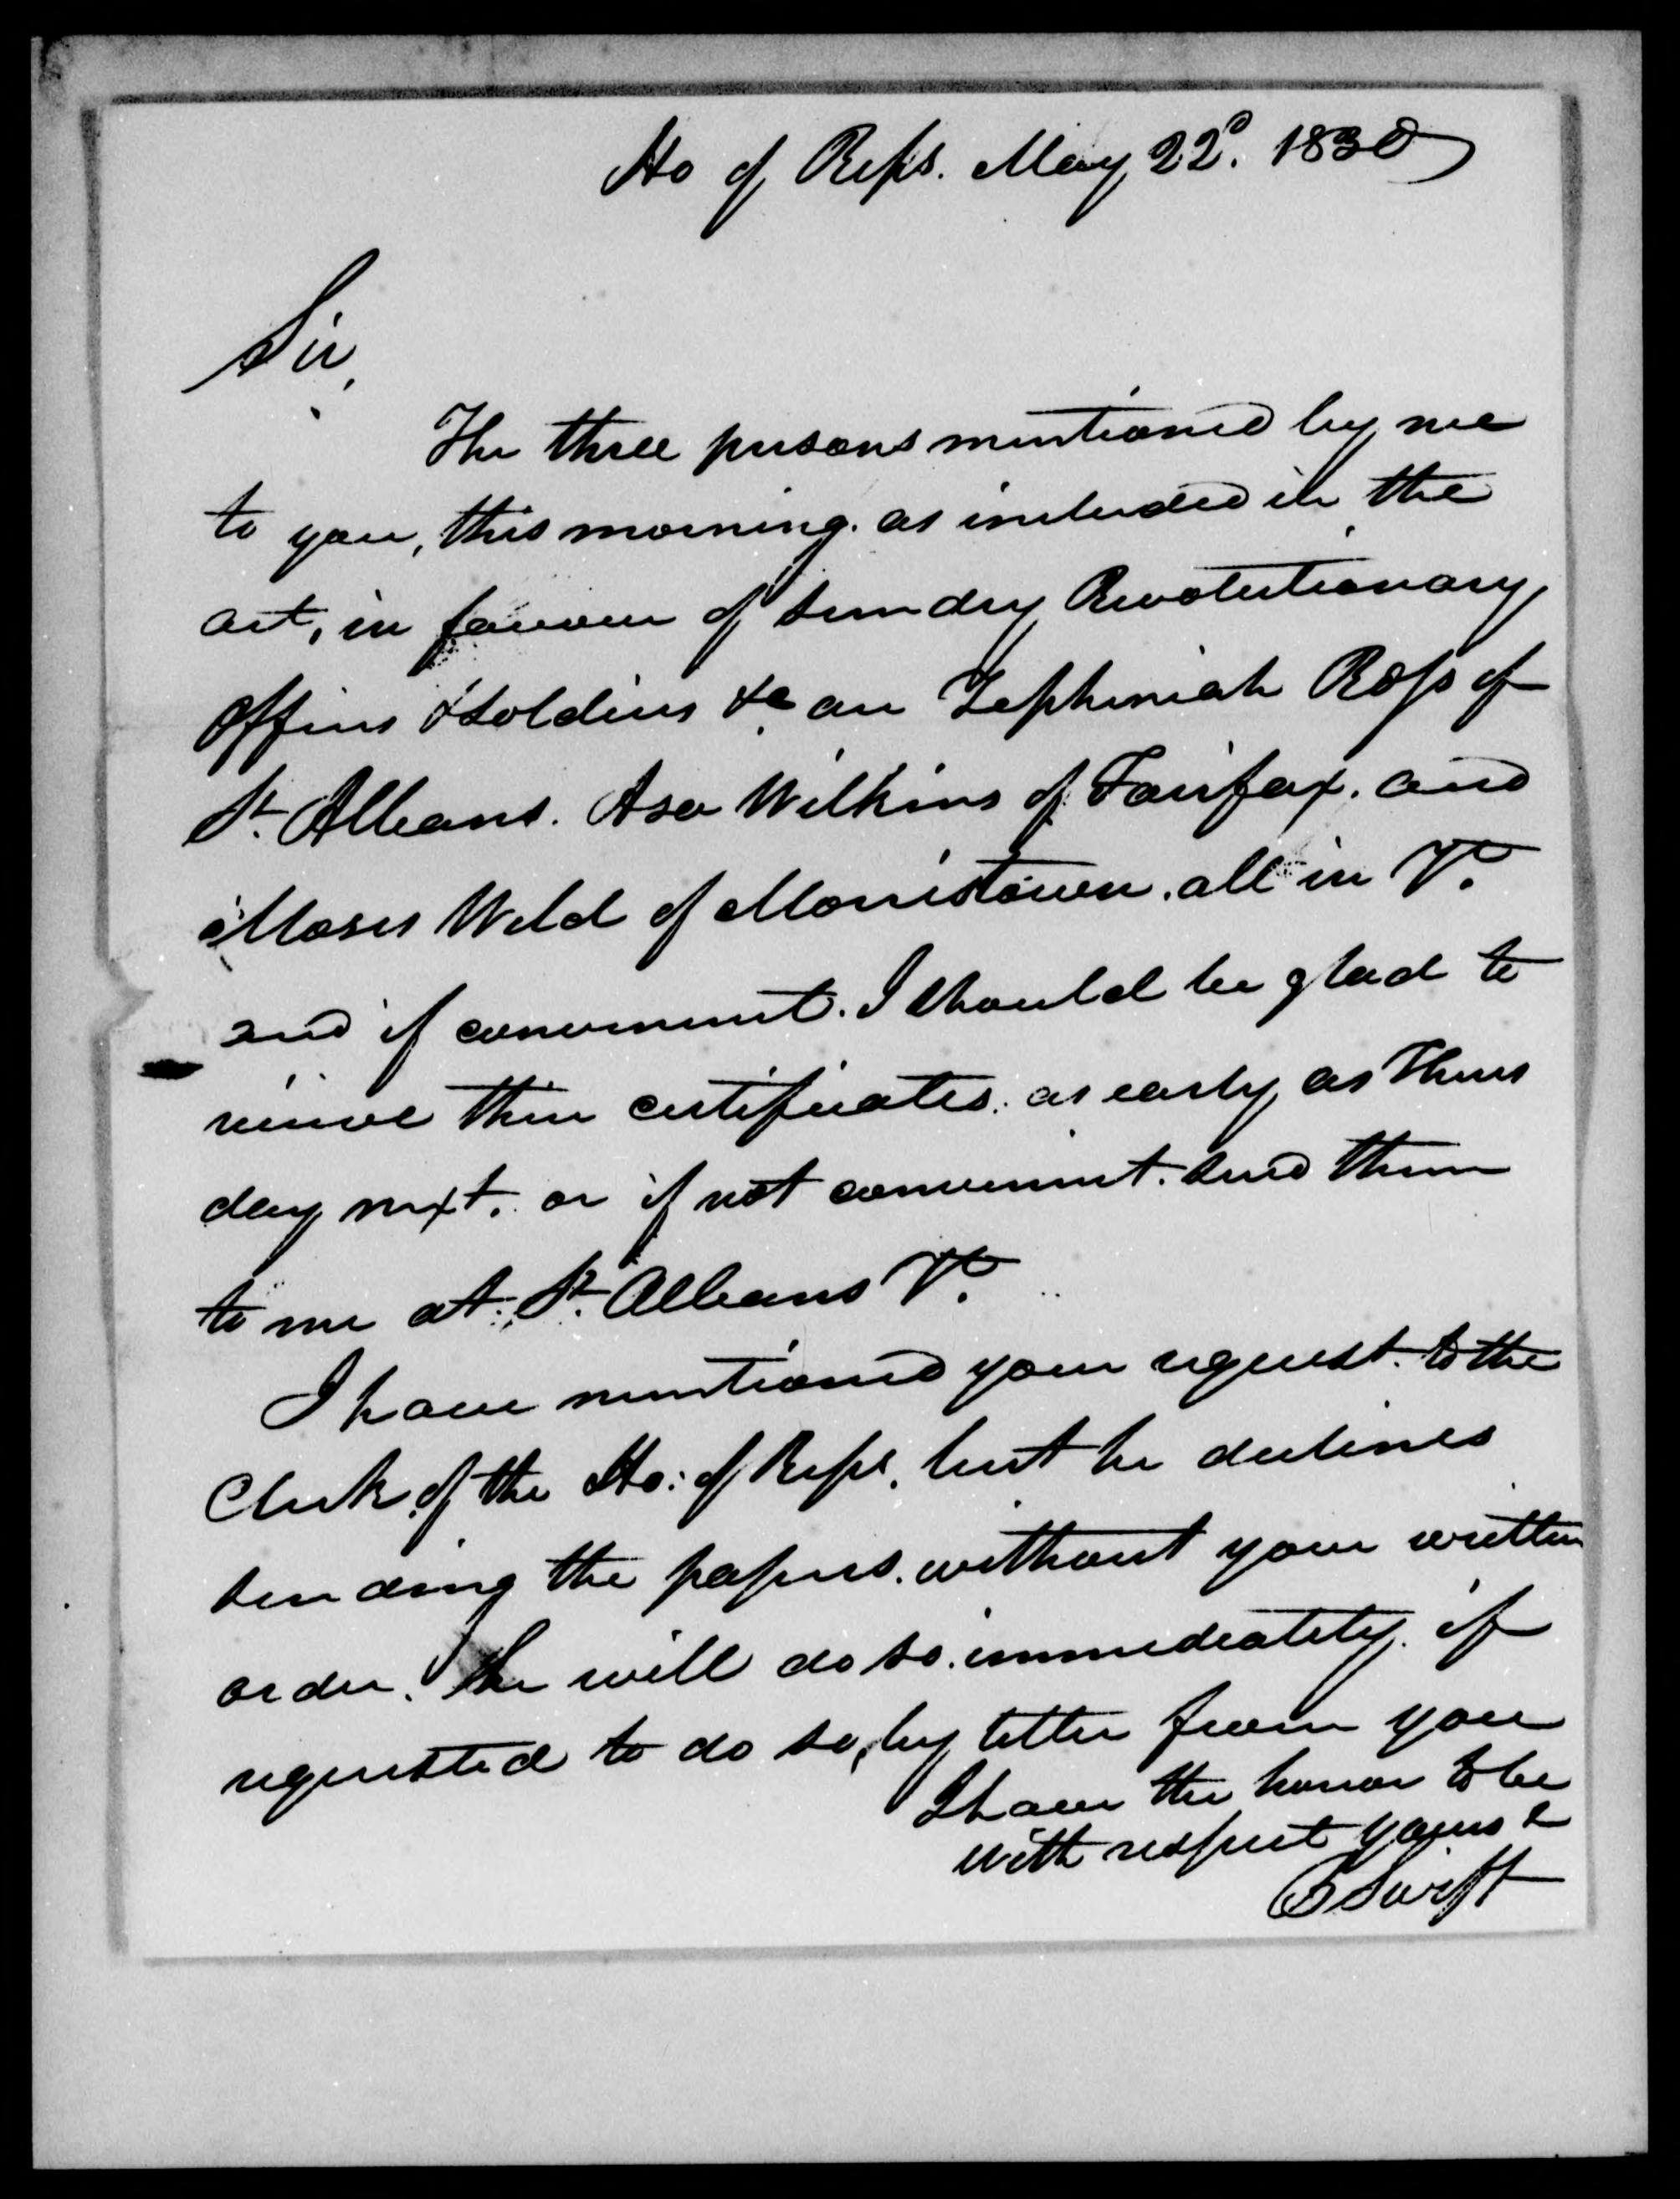Ho of Reps. May 22d 1830
Sir, 
The three persons mentioned by me
to you, this morning, as included in the
act in favour of Sundry Revolutionary
Officers & soldiers & an Zephaniah Ross of
St Albans, Asa Wilkins of Fairfax and
Moses Weld of Morristown. all in Vt.
and if convenient, I should be glad to
receive their certificate as early as Thursday next, or if not convenient send them
to me at St. Albans Vt.
I have mentioned your request to the
Clerk of the Ho. of Reps. but he declines
sending the papers without your written
order. He will do so immediately if
requested to do so by letter from you
I have the honor to be
with respect Yours
B Swift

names: Asa Wilkins, Tepheniah Ross, Moses Weld, B Swift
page: 56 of 87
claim: widow's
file: W. 25,966, Moses Weld, Mass.